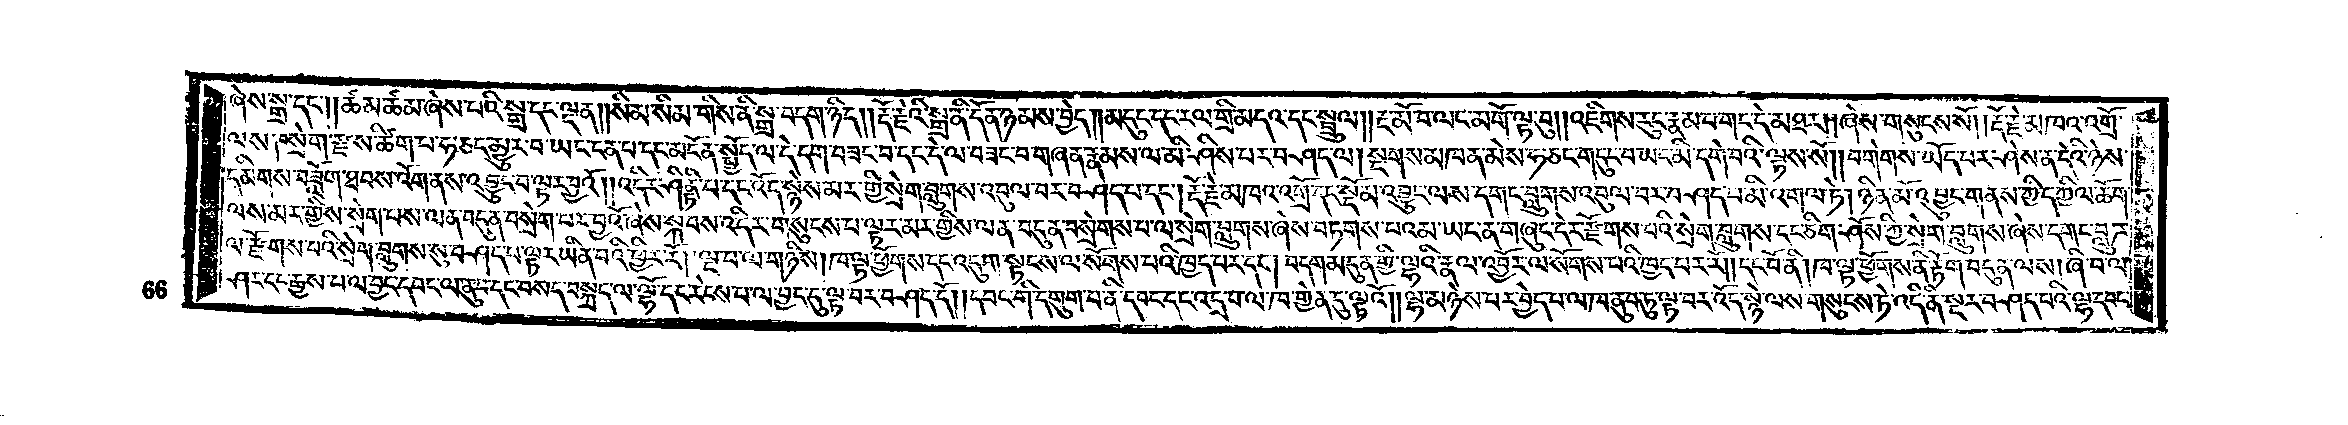ཞེས་སྒྲ་དང་། །ཚམ་ཚམ་ཞེས་པའི་སྒྲ་དང་ལྡན། །སིམ་སིམ་གིས་ནི་སྒྲ་བདག་ཉིད། །རྡོ་རྗེའི་སྒྲ་ནི་དོན་ཉམས་བྱེད། །མདུང་དང་རལ་གྲི་མདའ་དང་སྦྲུལ། །རྔ་མོ་བ་ལང་མགོ་ལྟ་བུ། །འཇིགས་རུང་རྣམ་པ་གང་དེ་མཐར། །ཞེས་གསུངས་སོ། །རྡོ་རྗེ་མཁའ་འགྲོ་
ལས། བསྲེག་རྫས་ཚིག་པ་ཧ་ཅང་མྱུར་བ་ཡང་ངན་པ་དང་མངོན་སྤྱོད་ལ་དེ་དག་བཟང་བ་དང་དེ་ལ་བཟང་བ་གཞན་རྣམས་ལ་མི་ཤིས་པར་བཤད་ལ། སྔགས་མཁན་མེས་ཧ་ཅང་གདུང་བ་ཡང་མི་དགེ་བའི་ལྟས་སོ། །བགེགས་ཡོད་པར་ཤེས་ན་དེའི་ཉེས་
དམིགས་བཟློག་ཐབས་འོག་ནས་འབྱུང་བ་ལྟར་བྱའོ། །འདིར་ཤིནྟི་པ་དང་འོད་སྙེས་མར་གྱི་སྲེག་བླུགས་འབུལ་བར་བཤད་པ་དང་། རྡོ་རྗེ་མཁའ་འགྲོ་དང་སྡོམ་འབྱུང་ལས་དགང་བླུགས་འབུལ་བར་བཤད་པ་མི་འགལ་ཏེ། ཉིན་མོ་འབྱུང་གནས་ཀྱི་དཀྱིལ་ཆོག་
ལས་མར་གྱིས་སྲེག་པས་ལན་བདུན་བསྲེག་པར་བྱའོ་ཞེས་སྐབས་འདིར་གསུངས་པ་ལྟར་མར་གྱིས་ལན་བདུན་བསྲེགས་པ་ལ་སྲེག་བླུགས་ཞེས་བཏགས་པའམ་ཡང་ན་གཞུང་དེར་རྫོགས་པའི་སྲེག་བླུགས་དང་ཅིག་ཤོས་ཀྱི་སྲེག་བླུགས་ཞེས་དགང་བླུགས་
ལ་རྫོགས་པའི་སྲེག་བླུགས་སུ་བཤད་པ་ལྟར་ཡིན་པའི་ཕྱིར་རོ། །ལྔ་པ་ལ་གཉིས། ཁ་ལྟ་ཕྱོགས་དང་འདུག་སྟངས་ལ་སོགས་པའི་ཁྱད་པར་དང་། བདག་མདུན་གྱི་ལྷའི་རྣལ་འབྱོར་ལ་སོགས་པའི་ཁྱད་པར་རོ། །དང་པོ་ནི། ཁ་ལྟ་ཕྱོགས་ནི་རྟོག་བདུན་ལས། ཞི་བ་ལ་
ཤར་དང་རྒྱས་པ་ལ་བྱང་དབང་ལ་ནུབ་དང་བསད་བསྐྲད་ལ་ལྷོ་དང་རེངས་པ་ལ་བྱང་དུ་ལྟ་བར་བཤད་དོ། །དབང་གི་དགུག་པ་ནི་དབང་དང་འདྲ་བ་ལ་ཁ་གྱེན་དུ་ལྟའོ། །ལྷ་མཉེས་པར་བྱེད་པ་ལ་ཁ་ནུབ་ཏུ་ལྟ་བར་འོད་སྙེ་ལས་གསུངས་ཏེ་འདི་ནི་སྔར་བཤད་པའི་ལྷ་དབང་